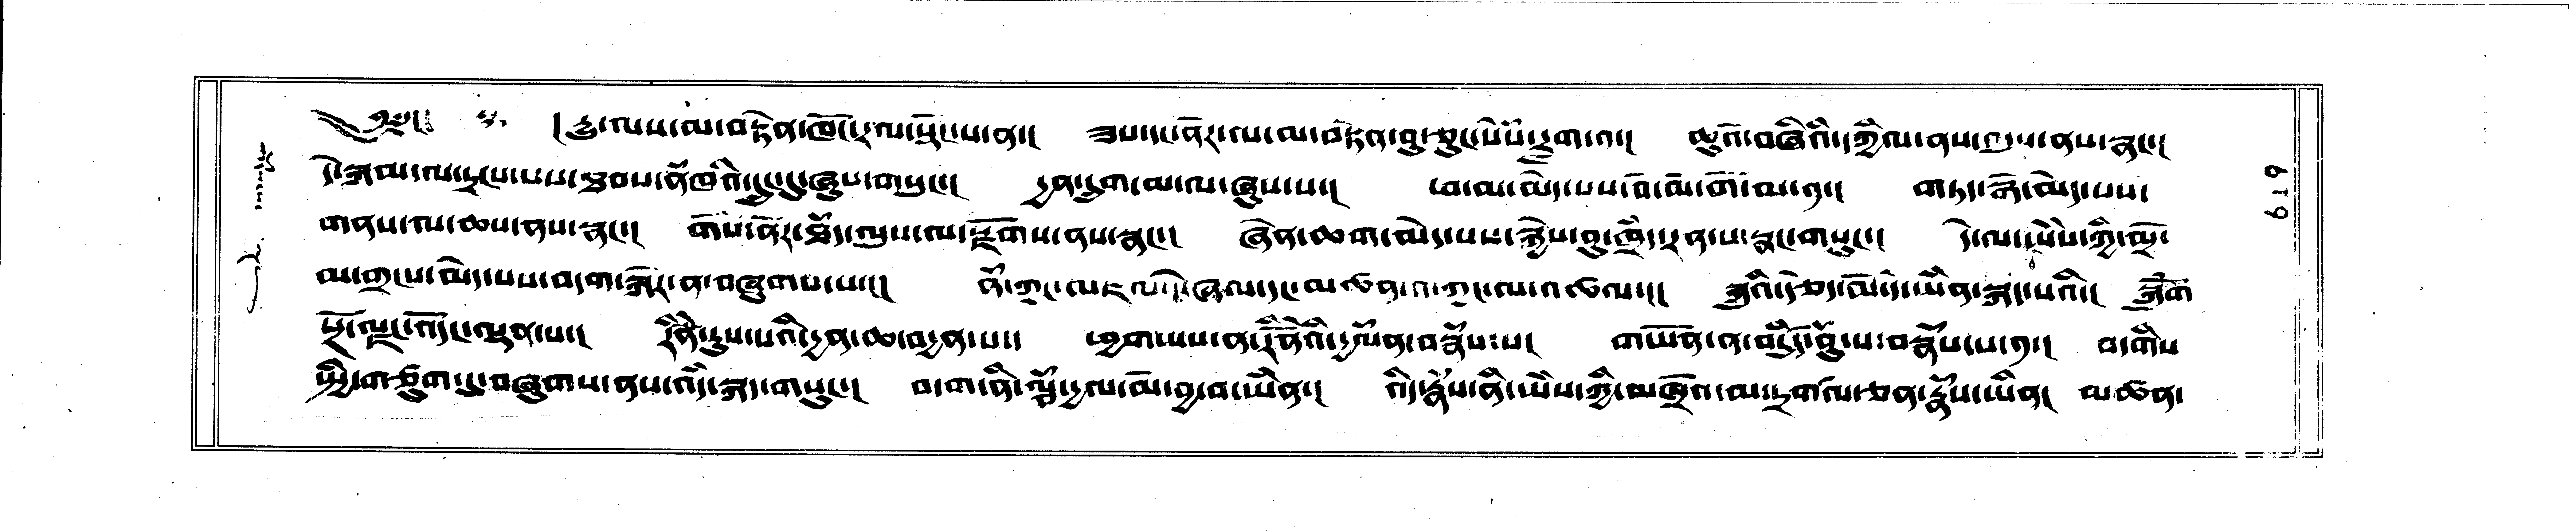རྒྱུ་ལས་མ་བརྟེན་ཁང་རལ་སྟོང་པ་ན། ཟས་དང་ནོར་ལ་མ་བརྟེན་བུ་ཆུང་བསམ་རླག་གཅིག ཆུ་བཞིའི་དཀྱིལ་ན་ལུས་ནས་སྣང་། 
དེ་སྐམ་ལ་དྲང་ཐབས་ནམ་མཁའི་དྲུང་དུ་ཞུས་གསུངས། རྒྱན་དྲུག་མ་ལ་ཞུས་པ། ཕ་མ་མེད་པའི་བུ་མོ་གོ་མ་གཅིག གཏད་སྒོ་མེད་པའི་
གནས་ལ་ཆས་ནས་སྣང་། གོས་ནོར་ཐམས་ཅད་ལུས་ལ་རྫོགས་ན་སྣང་། ཞེན་ཆགས་མེད་པའི་སྐྱེས་བུའི་ཁྲིད་རན་རད་གསུངས། དེ་ནས་ཡེ་ཤེས་ཀྱི་མཁའ་འགྲོ་
གྲངས་མེད་པས་བདག་བསྐོར་ནས་བཞུགས་སིན། ནམ་ཀྱང་༼ཡང་༽མཇལ་སྟེ་ཞལ་དང་མཚན་གཅིག་ཀྱང་མ་འཚོ། ཀུན་གྱི་གཙོ་མོ་ཡིན་སྐད་པ། སྐུ་མདོག་
སྔོ་ལྗང་འོད་དང་ལྡན་པ་ རིན་པོ་རུས་པའི་རྒྱན་སྒྲིལ་མས་སྐུ་ལ་བརྒྱན་པ། ཕྱག་གཡས་ན་རིན་པོ་ཆེའི་རྒྱལ་མཚན་བསྣམས་པ། གཡོན་ན་བདུད་རྩིའི་བུམ་པ་བསྣམས་པ་ བདག་གིས་
སྤྱི་གཙུག་དུ་བཞུགས་ནས་འདི་སྐད་གསུངས། བདག་ནི་ཆུ་ལྕམ་རྒྱལ་མོ་ཡིན། འདི་རྣམས་ནི་ཡེ་ཤེས་ཀྱི་མཁའ་འགྲོ་དྲག་རྩལ་ཅན་རྣམས་ཡིན། མཚན་